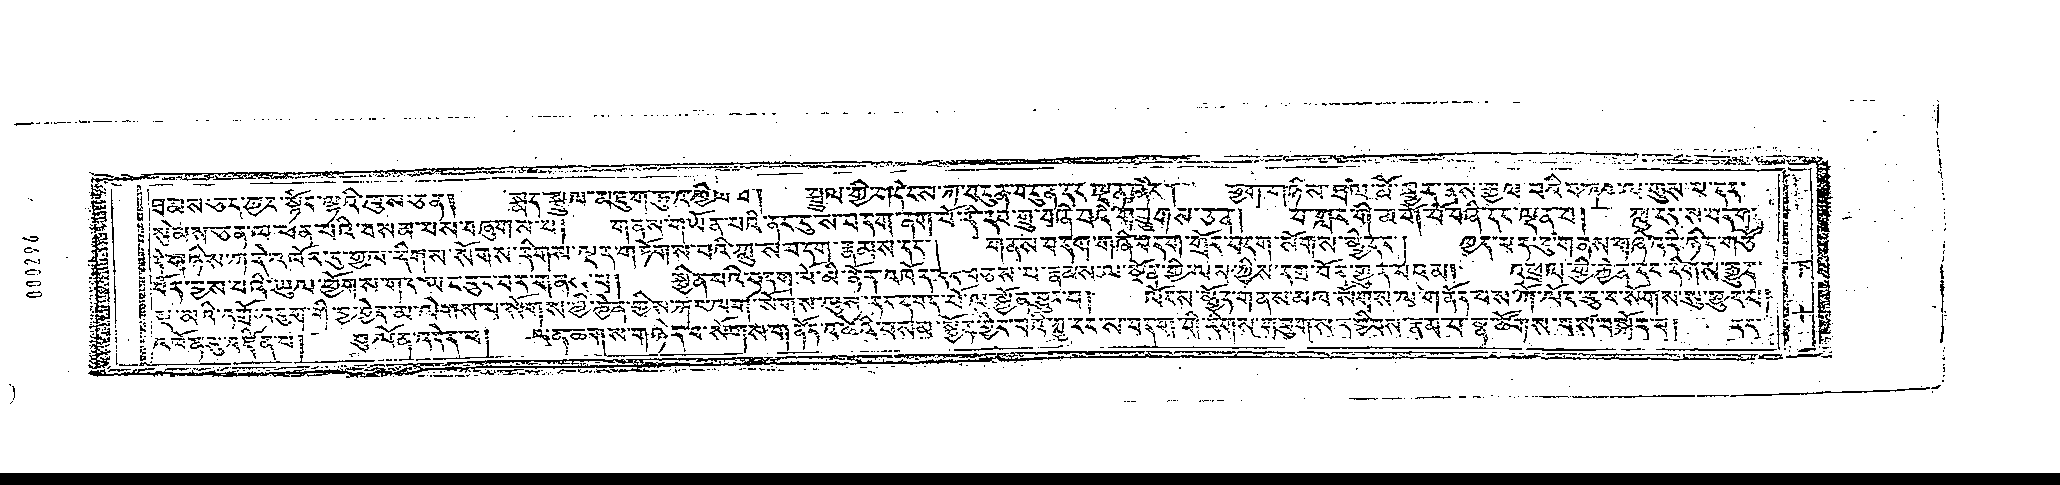ཐམས་ཅད་ཀྱང་སྟོད་ལྷའི་ལུས་ཅན། སྨད་སྦྲུལ་མཇུག་ཏུ་འཁྱིལ་བ། སྤྲུལ་གྱི་གདེངས་ཀ་བདུན་བདུན་དང་ལྡན་ཞིང་། ཕྱག་གཉིས་ཐལ་མོ་སྦྱར་ནས་རྒྱལ་བའི་བཀའ་ལ་གུས་པ་དང་
སེམས་ཅན་ལ་ཕན་པའི་བསམ་པས་བཞུགས་པ། གནས་གཡོན་པའི་ནང་དུ་ས་བདག་ནག་པོ་རི་རབ་གྲུ་བཞི་པའི་གཟུགས་ཅན། བ་གླང་གི་མགོ་བོ་བཞི་དང་ལྡན་པ། ཀླུ་དང་ས་བདག་
དེ་གཉིས་ཀའི་འཁོར་དུ་རྒྱལ་རིགས་སོགས་རིགས་ལྔར་གཏོགས་པའི་ཀླུ་ས་བདག་རྣམས་དང་། གནས་བདག་གཞི་བདག་གྲོང་བདག་སོགས་སྤྱི་དང་། ཁྱད་པར་དུ་གནས་གཞི་འདི་ཉིད་གཙོ་
བོར་བྱས་པའི་ཡུལ་ཕྱོགས་གང་ཡང་རུང་པར་གནས་པ། སྦྱིན་པའི་བདག་པོ་མི་ནོར་འཁོར་དང་བཅས་པ་རྣམས་ལ་སྔོན་གྱི་ལས་ཀྱིས་དགྲ་བོར་གྱུར་པའམ། འཕྲལ་གྱི་རྐྱེན་དང་རིགས་རྒྱུད།
སྔ་མའི་འགྲོ་འདུག་གི་བྱ་བྱེད་མ་ལེགས་པ་སོགས་ཀྱི་རྐྱེན་གྱིས་རྐང་ལག་སོགས་ལུས་དང་དབང་པོ་ལ་སྐྱོན་བྱུང་བ། ལོངས་སྤྱོད་གནས་མལ་སོགས་ལ་གནོད་པས་ཀོ་ལོང་རུ་ང་སོགས་སུ་གྱུར་པ།
འཁོན་དུ་འཛིན་པ། བུ་ལོན་འདེད་པ། ལན་ཆགས་གཉེར་བ་སོགས་གནོད་འཚེའི་བསམ་སྤྱོད་བྱེད་པའི་ཀླུ་དང་ས་བདག་གི་རིགས་གཟུགས་དབྱིབས་རྣམ་པ་སྣ་ཚོགས་བས་བསྐོར་བ། རང་།